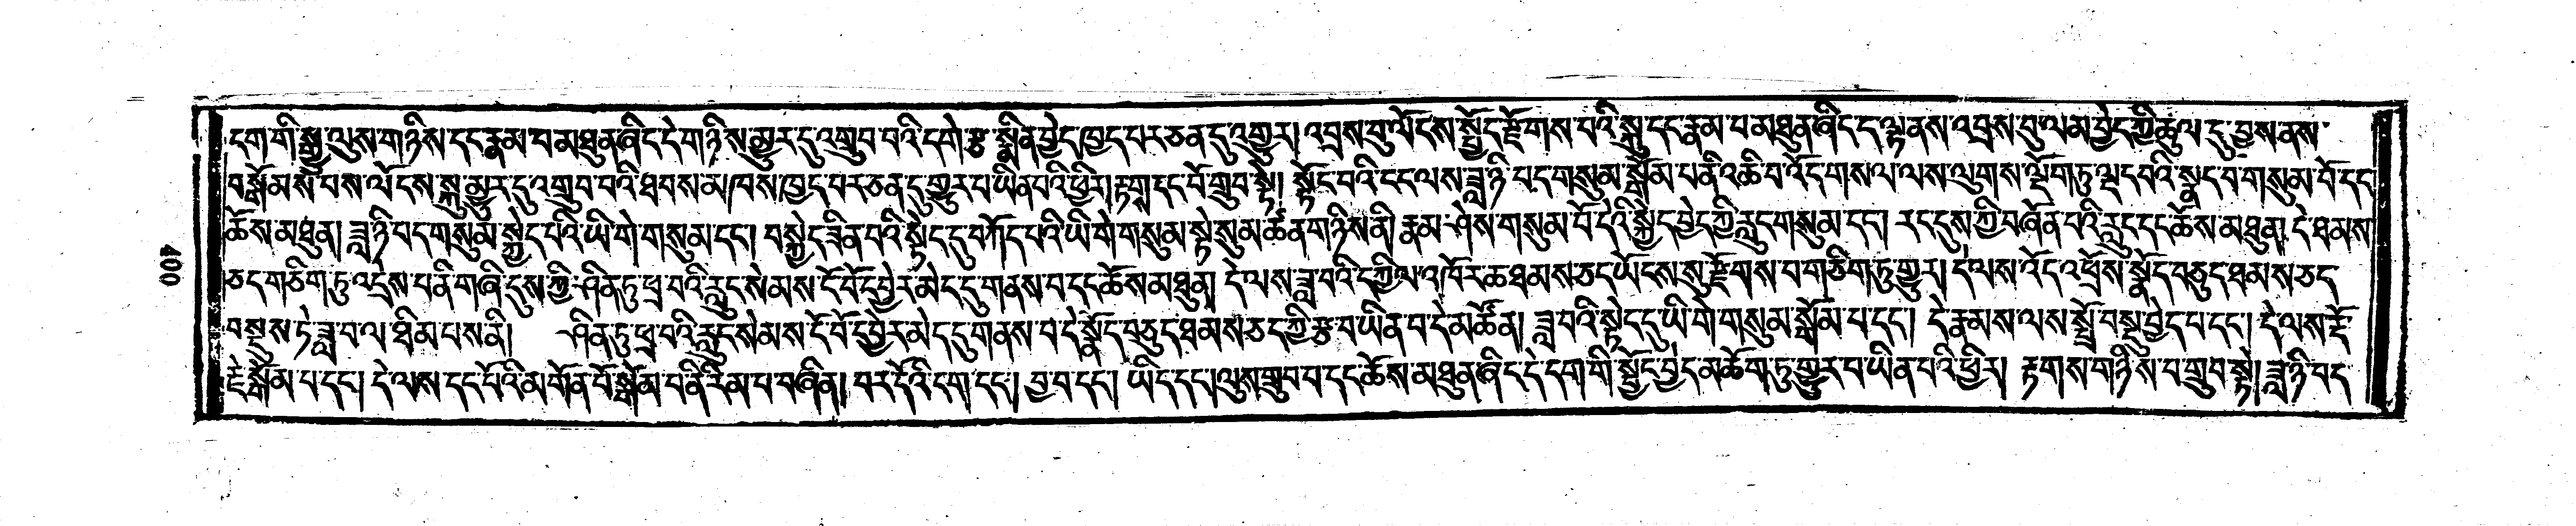དག་གི་སྒྱུ་ལུས་གཉིས་དང་རྣམ་པ་མཐུན་ཞིང་དེ་གཉིས་མྱུར་དུ་འགྲུབ་པའི་དགེ་རྩ་སྨིན་བྱེད་ཁྱད་པར་ཅན་དུ་འགྱུར། འབྲས་བུ་ལོངས་སྤྱོད་རྫོགས་པའི་སྐུ་དང་རྣམ་པ་མཐུན་ཞིང་ད་ལྟ་ནས་འབྲས་བུ་ལམ་བྱེད་ཀྱི་ཚུལ་དུ་བྱས་ནས་
བསྒོམས་པས་ལོངས་སྐུ་མྱུར་དུ་འགྲུབ་པའི་ཐབས་མཁས་ཁྱད་པར་ཅན་དུ་གྱུར་པ་ཡིན་པའི་ཕྱིར། རྟགས་དང་པོ་གྲུབ་སྟེ། སྟོང་པའི་ངང་ལས་ཟླ་ཉི་པད་གསུམ་སྒོམ་པ་ནི་འཆི་བ་འོད་གསལ་ལས་ལུགས་ལྡོག་ཏུ་ལྡང་བའི་སྣང་བ་གསུམ་པོ་དང་
ཆོས་མཐུན། ཟླ་ཉི་པད་གསུམ་སྐྱེད་པའི་ཡི་གེ་གསུམ་དང་། བསྐྱེད་ཟིན་པའི་སྟེང་དུ་བཀོད་པའི་ཡི་གེ་གསུམ་སྟེ་སུམ་ཚན་གཉིས་ནི། རྣམ་ཤེས་གསུམ་པོ་དེའི་སྐྱེད་བྱེད་ཀྱི་རླུང་གསུམ་དང་། རང་དུས་ཀྱི་བཞོན་པའི་རླུང་དང་ཆོས་མཐུན། དེ་ཐམས་
ཅད་གཅིག་ཏུ་འདྲེས་པ་ནི་གཞི་དུས་ཀྱི་ཤིན་ཏུ་ཕྲ་བའི་རླུང་སེམས་ངོ་བོ་དབྱེར་མེད་དུ་གནས་པ་དང་ཆོས་མཐུན། དེ་ལས་ཟླ་བའི་དཀྱིལ་འཁོར་ཆ་ཐམས་ཅད་ཡོངས་སུ་རྫོགས་པ་གཅིག་ཏུ་གྱུར། དེ་ལས་འོད་འཕྲོས་སྣོད་བཅུད་ཐམས་ཅད་
བསྡུས་ཏེ་ཟླ་བ་ལ་ཐིམ་པས་ནི། ཤིན་ཏུ་ཕྲ་བའི་རླུང་སེམས་ངོ་བོ་དབྱེར་མེད་དུ་གནས་པ་དེ་སྣོད་བཅུད་ཐམས་ཅད་ཀྱི་རྩ་བ་ཡིན་པ་དེ་མཚོན། ཟླ་བའི་སྟེང་དུ་ཡི་གེ་གསུམ་སྒོམ་པ་དང་། དེ་རྣམས་ལས་སྤྲོ་བསྡུ་བྱེད་པ་དང་། དེ་ལས་རྡོ་
རྗེ་སྒོམ་པ་དང་། དེ་ལས་དང་པོའི་མགོན་པོ་སྒོམ་པ་ནི་རིམ་པ་བཞིན། བར་དོའི་ངག་དང་། བྱ་བ་དང་། ཡིད་དང་ལུས་གྲུབ་པ་དང་ཆོས་མཐུན་ཞིང་དེ་དག་གི་སྦྱོང་བྱེད་མཆོག་ཏུ་གྱུར་པ་ཡིན་པའི་ཕྱིར། རྟགས་གཉིས་པ་གྲུབ་སྟེ། ཟླ་ཉི་པད་